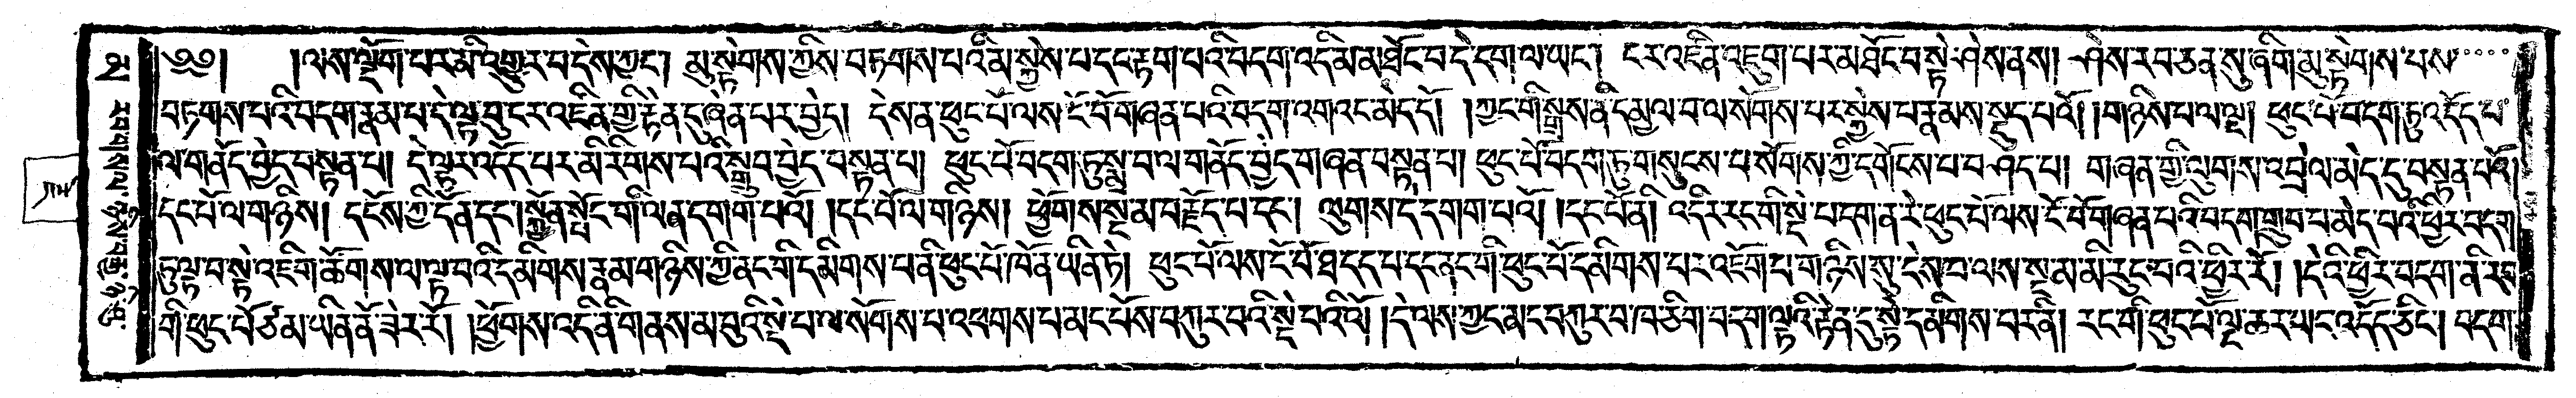༄༅། །ལས་ལྡོག་པར་མི་འགྱུར་བ་དེས་ཀྱང་། མུ་སྟེགས་ཀྱིས་བཏགས་པའི་མ་སྐྱེས་པ་དང་རྟག་པའི་བདག་འདི་མ་མཐོང་བ་དེ་དག་ལ་ཡང་། ངར་འཛིན་འཇུག་པར་མཐོང་བ་སྟེ་ཤེས་ནས། ཤེས་རབ་ཅན་སུ་ཞིག་མུ་སྟེགས་པས་
བཏགས་པའི་བདག་རྣམ་པ་དེ་ལྟ་བུ་ངར་འཛིན་གྱི་རྟེན་དུ་ཞེན་པར་བྱེད། དེས་ན་ཕུང་པོ་ལས་ངོ་བོ་གཞན་པའི་བདག་འགའང་མེད་དོ། །ཀྱང་གི་སྒྲས་ནི་དམྱལ་བ་ལ་སོགས་པར་སྐྱེས་པ་རྣམས་སྡུད་པའོ། །གཉིས་པ་ལ་ལྔ། ཕུང་པོ་བདག་ཏུ་འདོད་པ་
ལ་གནོད་བྱེད་བསྟན་པ། དེ་ལྟར་འདོད་པར་མི་རིགས་པའི་སྒྲུབ་བྱེད་བསྟན་པ། ཕུང་པོ་བདག་ཏུ་སྨྲ་བ་ལ་གནོད་བྱེད་གཞན་བསྟན་པ། ཕུང་པོ་བདག་ཏུ་གསུངས་པ་སོགས་ཀྱི་དགོངས་པ་བཤད་པ། གཞན་གྱི་ལུགས་འབྲེལ་མེད་དུ་བསྟན་པའོ།།
དང་པོ་ལ་གཉིས། དངོས་ཀྱི་དོན་དང་། སྐྱོན་སྤོང་གི་ལན་དགག་པའོ། །དང་པོ་ལ་གཉིས། ཕྱོགས་སྔ་མ་བརྗོད་པ་དང་། ལུགས་དེ་དགག་པའོ། །དང་པོ་ནི། འདིར་རང་གི་སྡེ་པ་དག་ན་རེ་ཕུང་པོ་ལས་ངོ་བོ་གཞན་པའི་བདག་གྲུབ་པ་མེད་པའི་ཕྱིར་བདག་
ཏུ་ལྟ་བ་སྟེ་འཇིག་ཚོགས་ལ་ལྟ་བའི་དམིགས་རྣམ་གཉིས་ཀྱི་ནང་གི་དམིགས་པ་ནི་ཕུང་པོ་ཁོ་ན་ཡིན་ཏེ། ཕུང་པོ་ལས་ངོ་བོ་ཐ་དད་པ་དང་ནང་གི་ཕུང་པོ་དམིགས་པར་འཇོག་པ་གཉིས་སུ་ངེས་པ་ལས་སྔ་མ་མི་རུང་བའི་ཕྱིར་རོ། །དེའི་ཕྱིར་བདག་ནི་རང་
གི་ཕུང་པོ་ཙམ་ཡིན་ནོ་ཟེར་རོ། །ཕྱོགས་འདི་ནི་གནས་མ་བུའི་སྡེ་པ་ལ་སོགས་པ་འཕགས་པ་མང་པོས་བཀུར་བའི་སྡེ་པའི་འོ། །དེ་ལས་ཀྱང་མང་བཀུར་བ་ཁ་ཅིག་བདག་ལྟའི་རྟེན་དུ་སྟེ་དམིགས་པར་ནི། རང་གི་ཕུང་པོ་ལྔ་ཆར་ཡང་འདོད་ཅིང་། བདག་